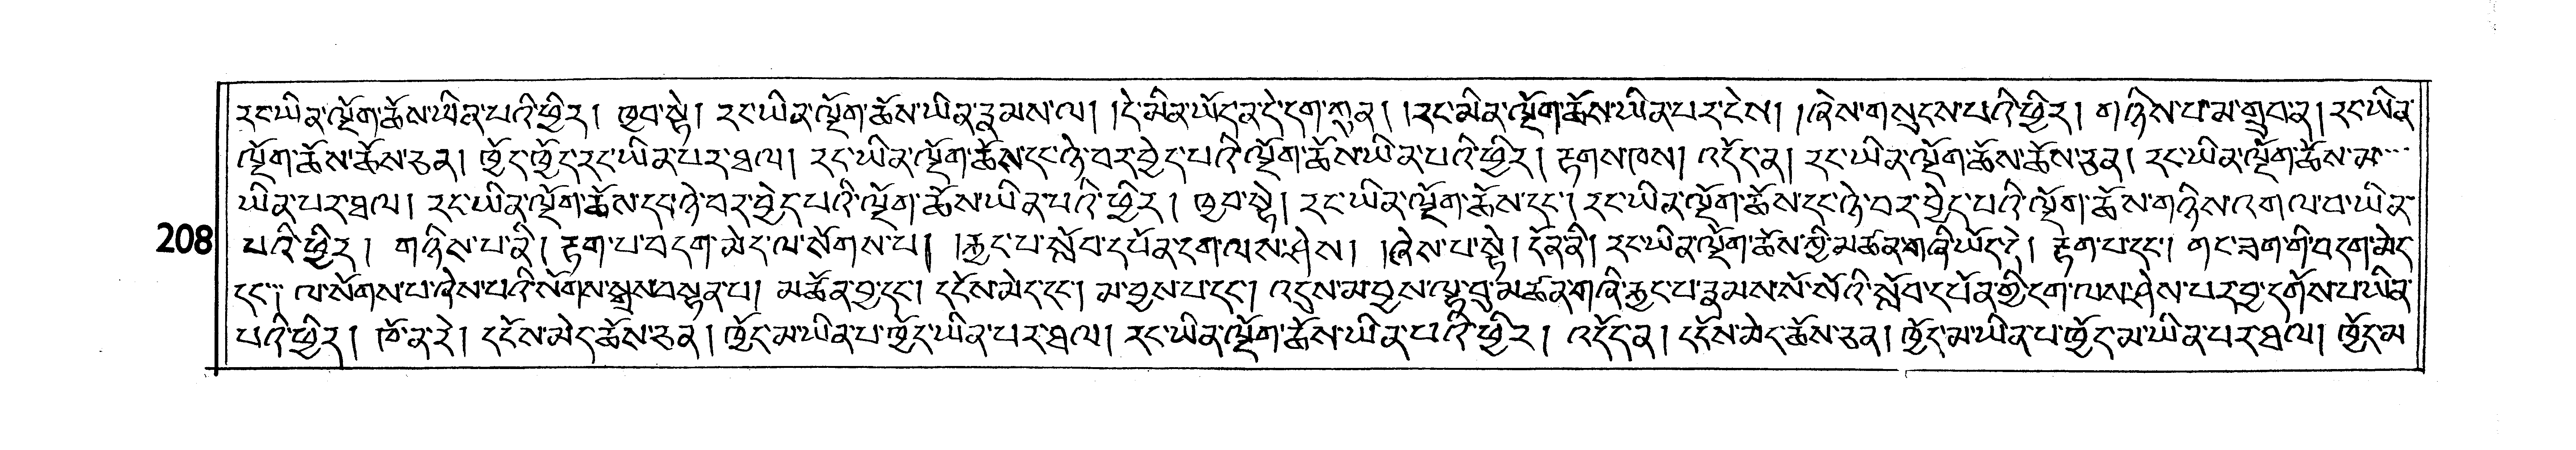རང་ཡིན་ལྡོག་ཆོས་ཡིན་པའི་ཕྱིར། ཁྱབ་སྟེ། རང་ཡིན་ལྡོག་ཆོས་ཡིན་རྣམས་ལ། །དེ་མིན་ཡོད་ན་དེ་དག་ཀུན། །རང་མིན་ལྡོག་ཆོས་ཡིན་པར་ངེས། །ཞེས་གསུངས་པའི་ཕྱིར། གཉིས་པ་མ་གྲུབ་ན། རང་ཡིན་
ལྡོག་ཆོས་ཆོས་ཅན། ཁྱོད་ཁྱོད་རང་ཡིན་པར་ཐལ། རང་ཡིན་ལྡོག་ཆོས་དང་ཉེ་བར་བྱེད་པའི་ལྡོག་ཆོས་ཡིན་པའི་ཕྱིར། རྟགས་ཁས། འདོད་ན། རང་ཡིན་ལྡོག་ཆོས་ཆོས་ཅན། རང་ཡིན་ལྡོག་ཆོས་མ་
ཡིན་པར་ཐལ། རང་ཡིན་ལྡོག་ཆོས་དང་ཉེ་བར་བྱེད་པའི་ལྡོག་ཆོས་ཡིན་པའི་ཕྱིར། ཁྱབ་སྟེ། རང་ཡིན་ལྡོག་ཆོས་དང་། རང་ཡིན་ལྡོག་ཆོས་དང་ཉེ་བར་བྱེད་པའི་ལྡོག་ཆོས་གཉིས་འགལ་བ་ཡིན་
པའི་ཕྱིར། གཉིས་པ་ནི། རྟག་པ་བདག་མེད་ལ་སོགས་པ། །རྐྱང་པ་སློབ་དཔོན་དག་ལས་ཤེས། །ཞེས་པ་སྟེ། དོན་ནི། རང་ཡིན་ལྡོག་ཆོས་ཀྱི་མཚན་གཞི་ཡོད་དེ། རྟག་པ་དང་། གང་ཟག་གི་བདག་མེད་
དང༑ ལ་སོགས་པ་ཞེས་པའི་སོགས་སྒྲས་བསྟན་པ། མཚོན་བྱ་དང་། དངོས་མེད་དང་། མ་བྱས་པ་དང་། འདུས་མ་བྱས་ལྟ་བུ་མཚན་གཞི་རྐྱང་པ་རྣམས་སོ་སོའི་སློབ་དཔོན་གྱི་ངག་ལས་ཤེས་པར་བྱ་དགོས་པ་ཡིན་
པའི་ཕྱིར། ཁོ་ན་རེ། དངོས་མེད་ཆོས་ཅན། ཁྱོད་མ་ཡིན་པ་ཁྱོད་ཡིན་པར་ཐལ། རང་ཡིན་ལྡོག་ཆོས་ཡིན་པའི་ཕྱིར། འདོད་ན། དངོས་མེད་ཆོས་ཅན། ཁྱོད་མ་ཡིན་པ་ཁྱོད་མ་ཡིན་པར་ཐལ། ཁྱོད་མ་